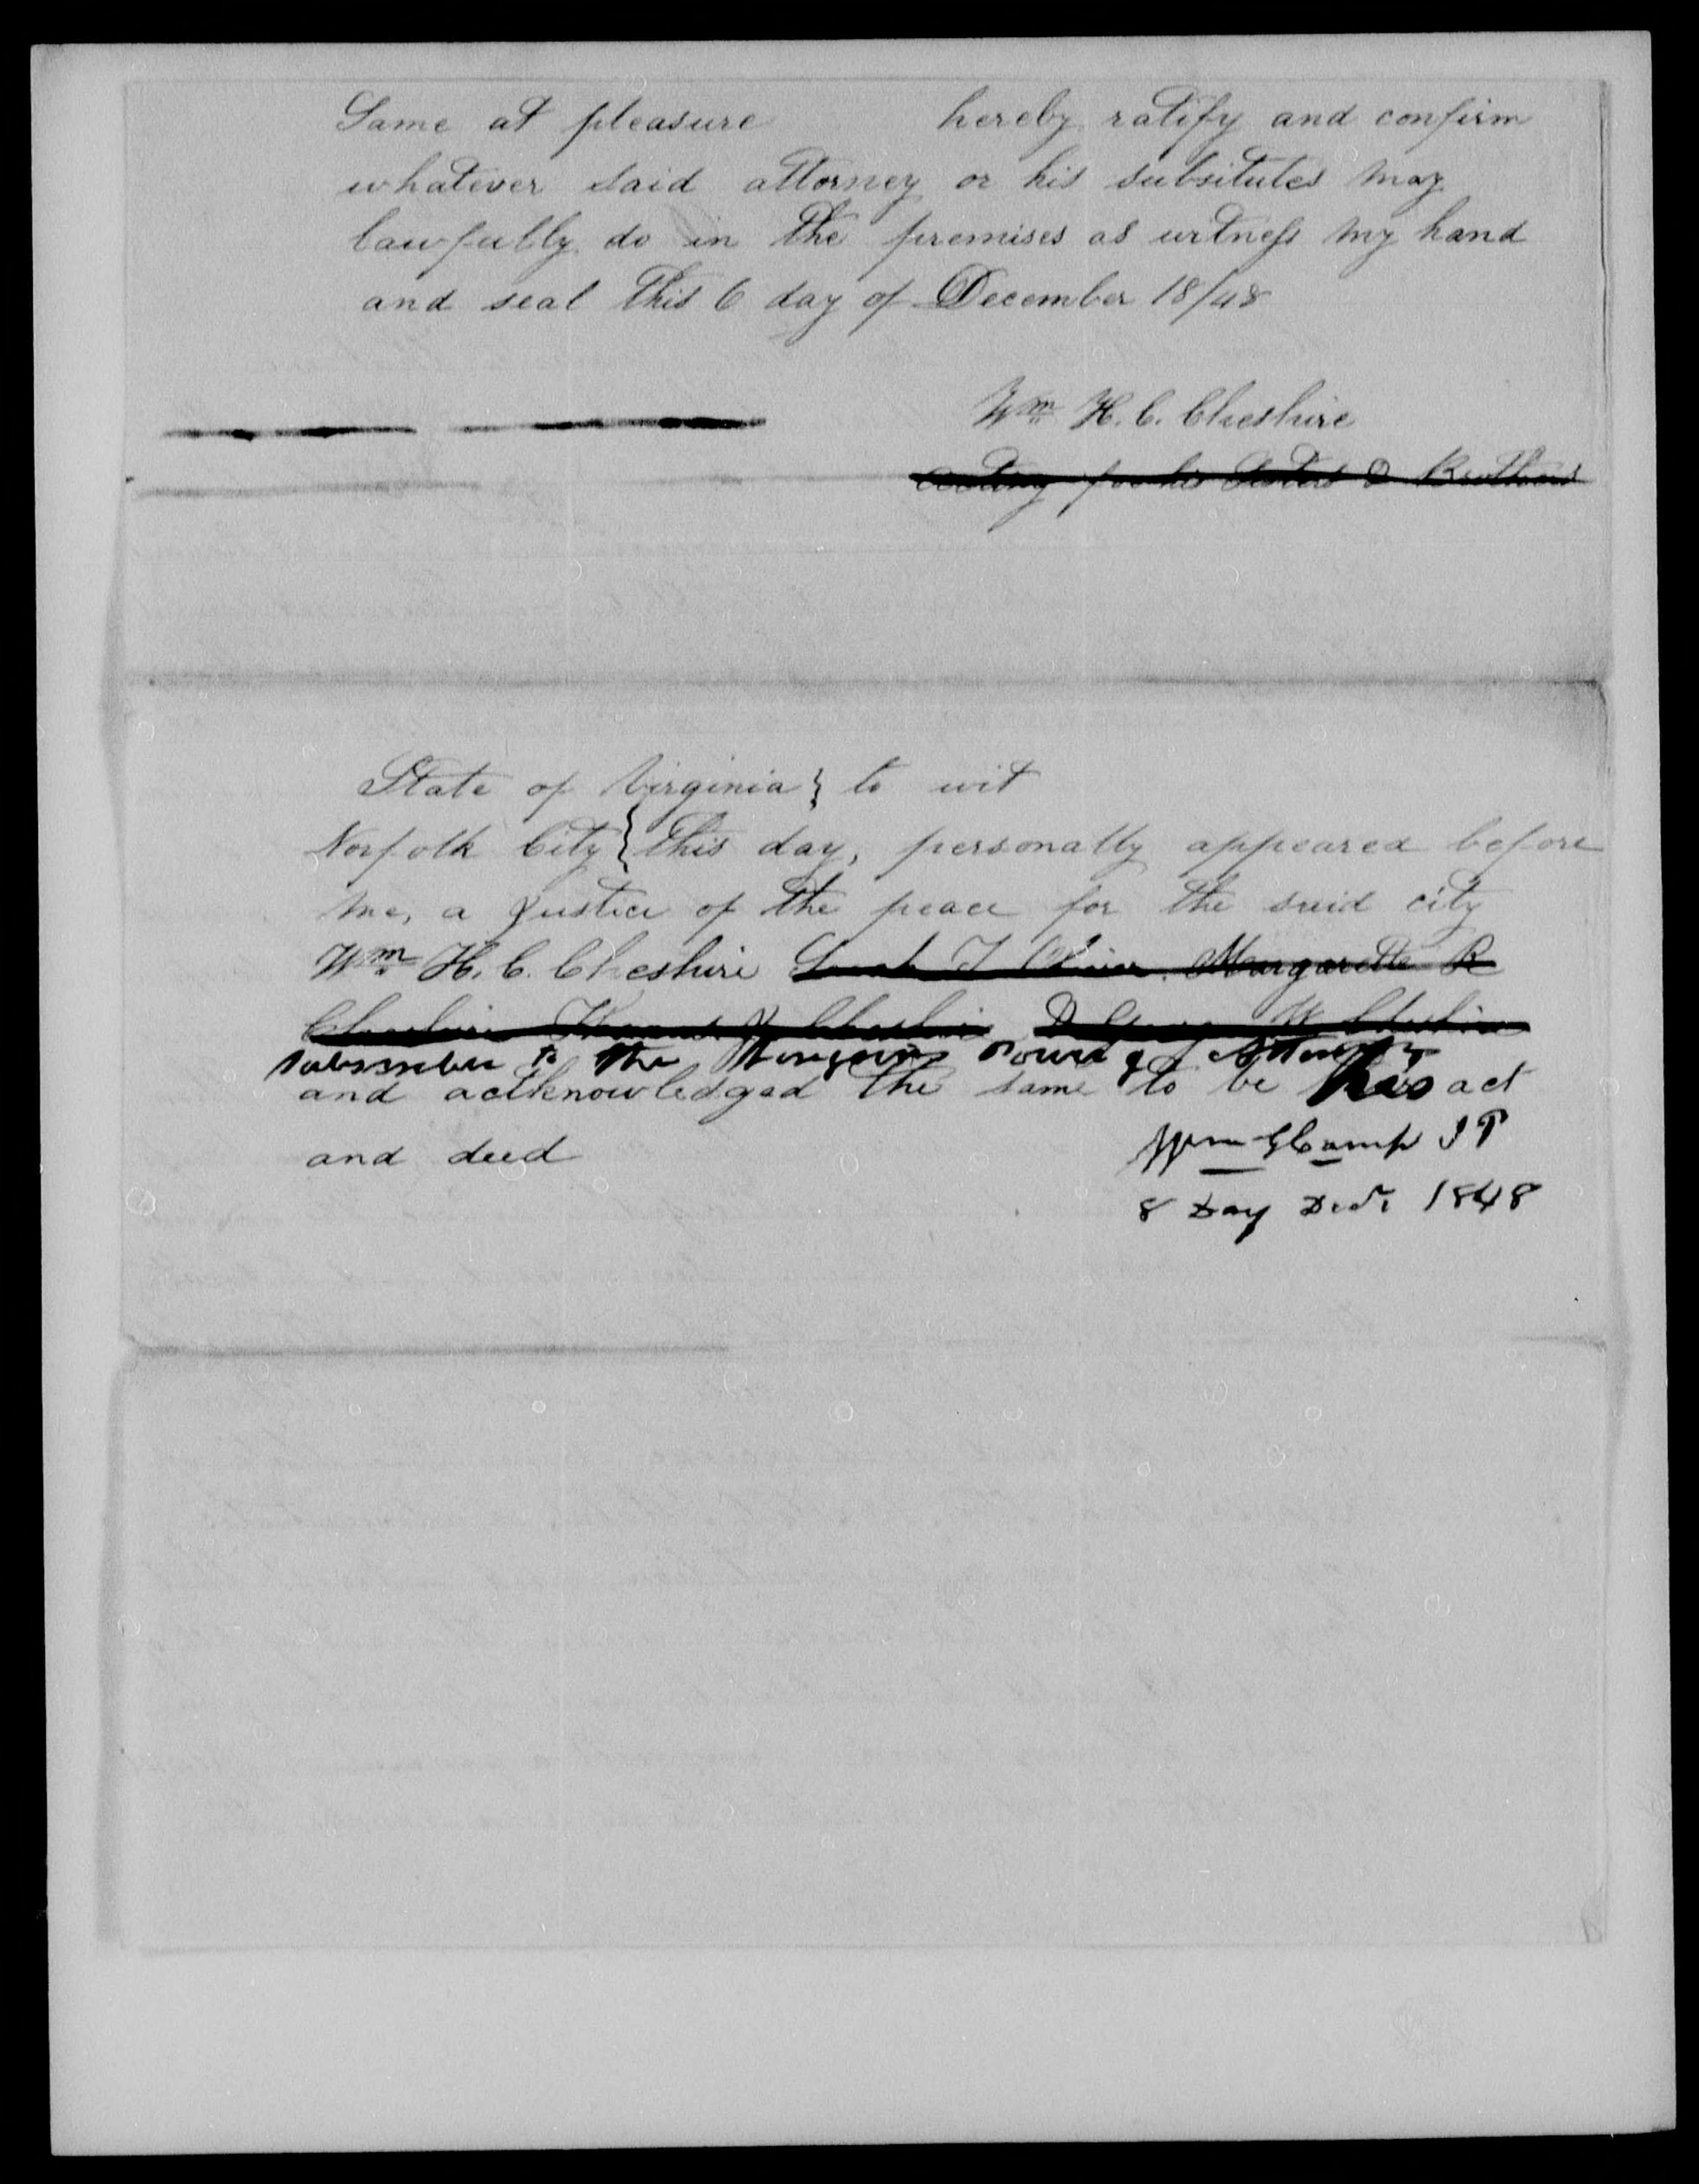[crossed out handwritten text in right left corner]
State of Virginia} to wit
Norfolk City} this day, personally appeared before me, a justice of the peace for the said city Wm H.C. Cheshire [crossed out handwritten text] subscribes to the Foregoing Power of attorney and acknowledged the same to be his act and deed
Wm G Camp [illegible]
8 Day Dec 1848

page: 4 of 6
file: R, for Cornelius Thomas, Virginia